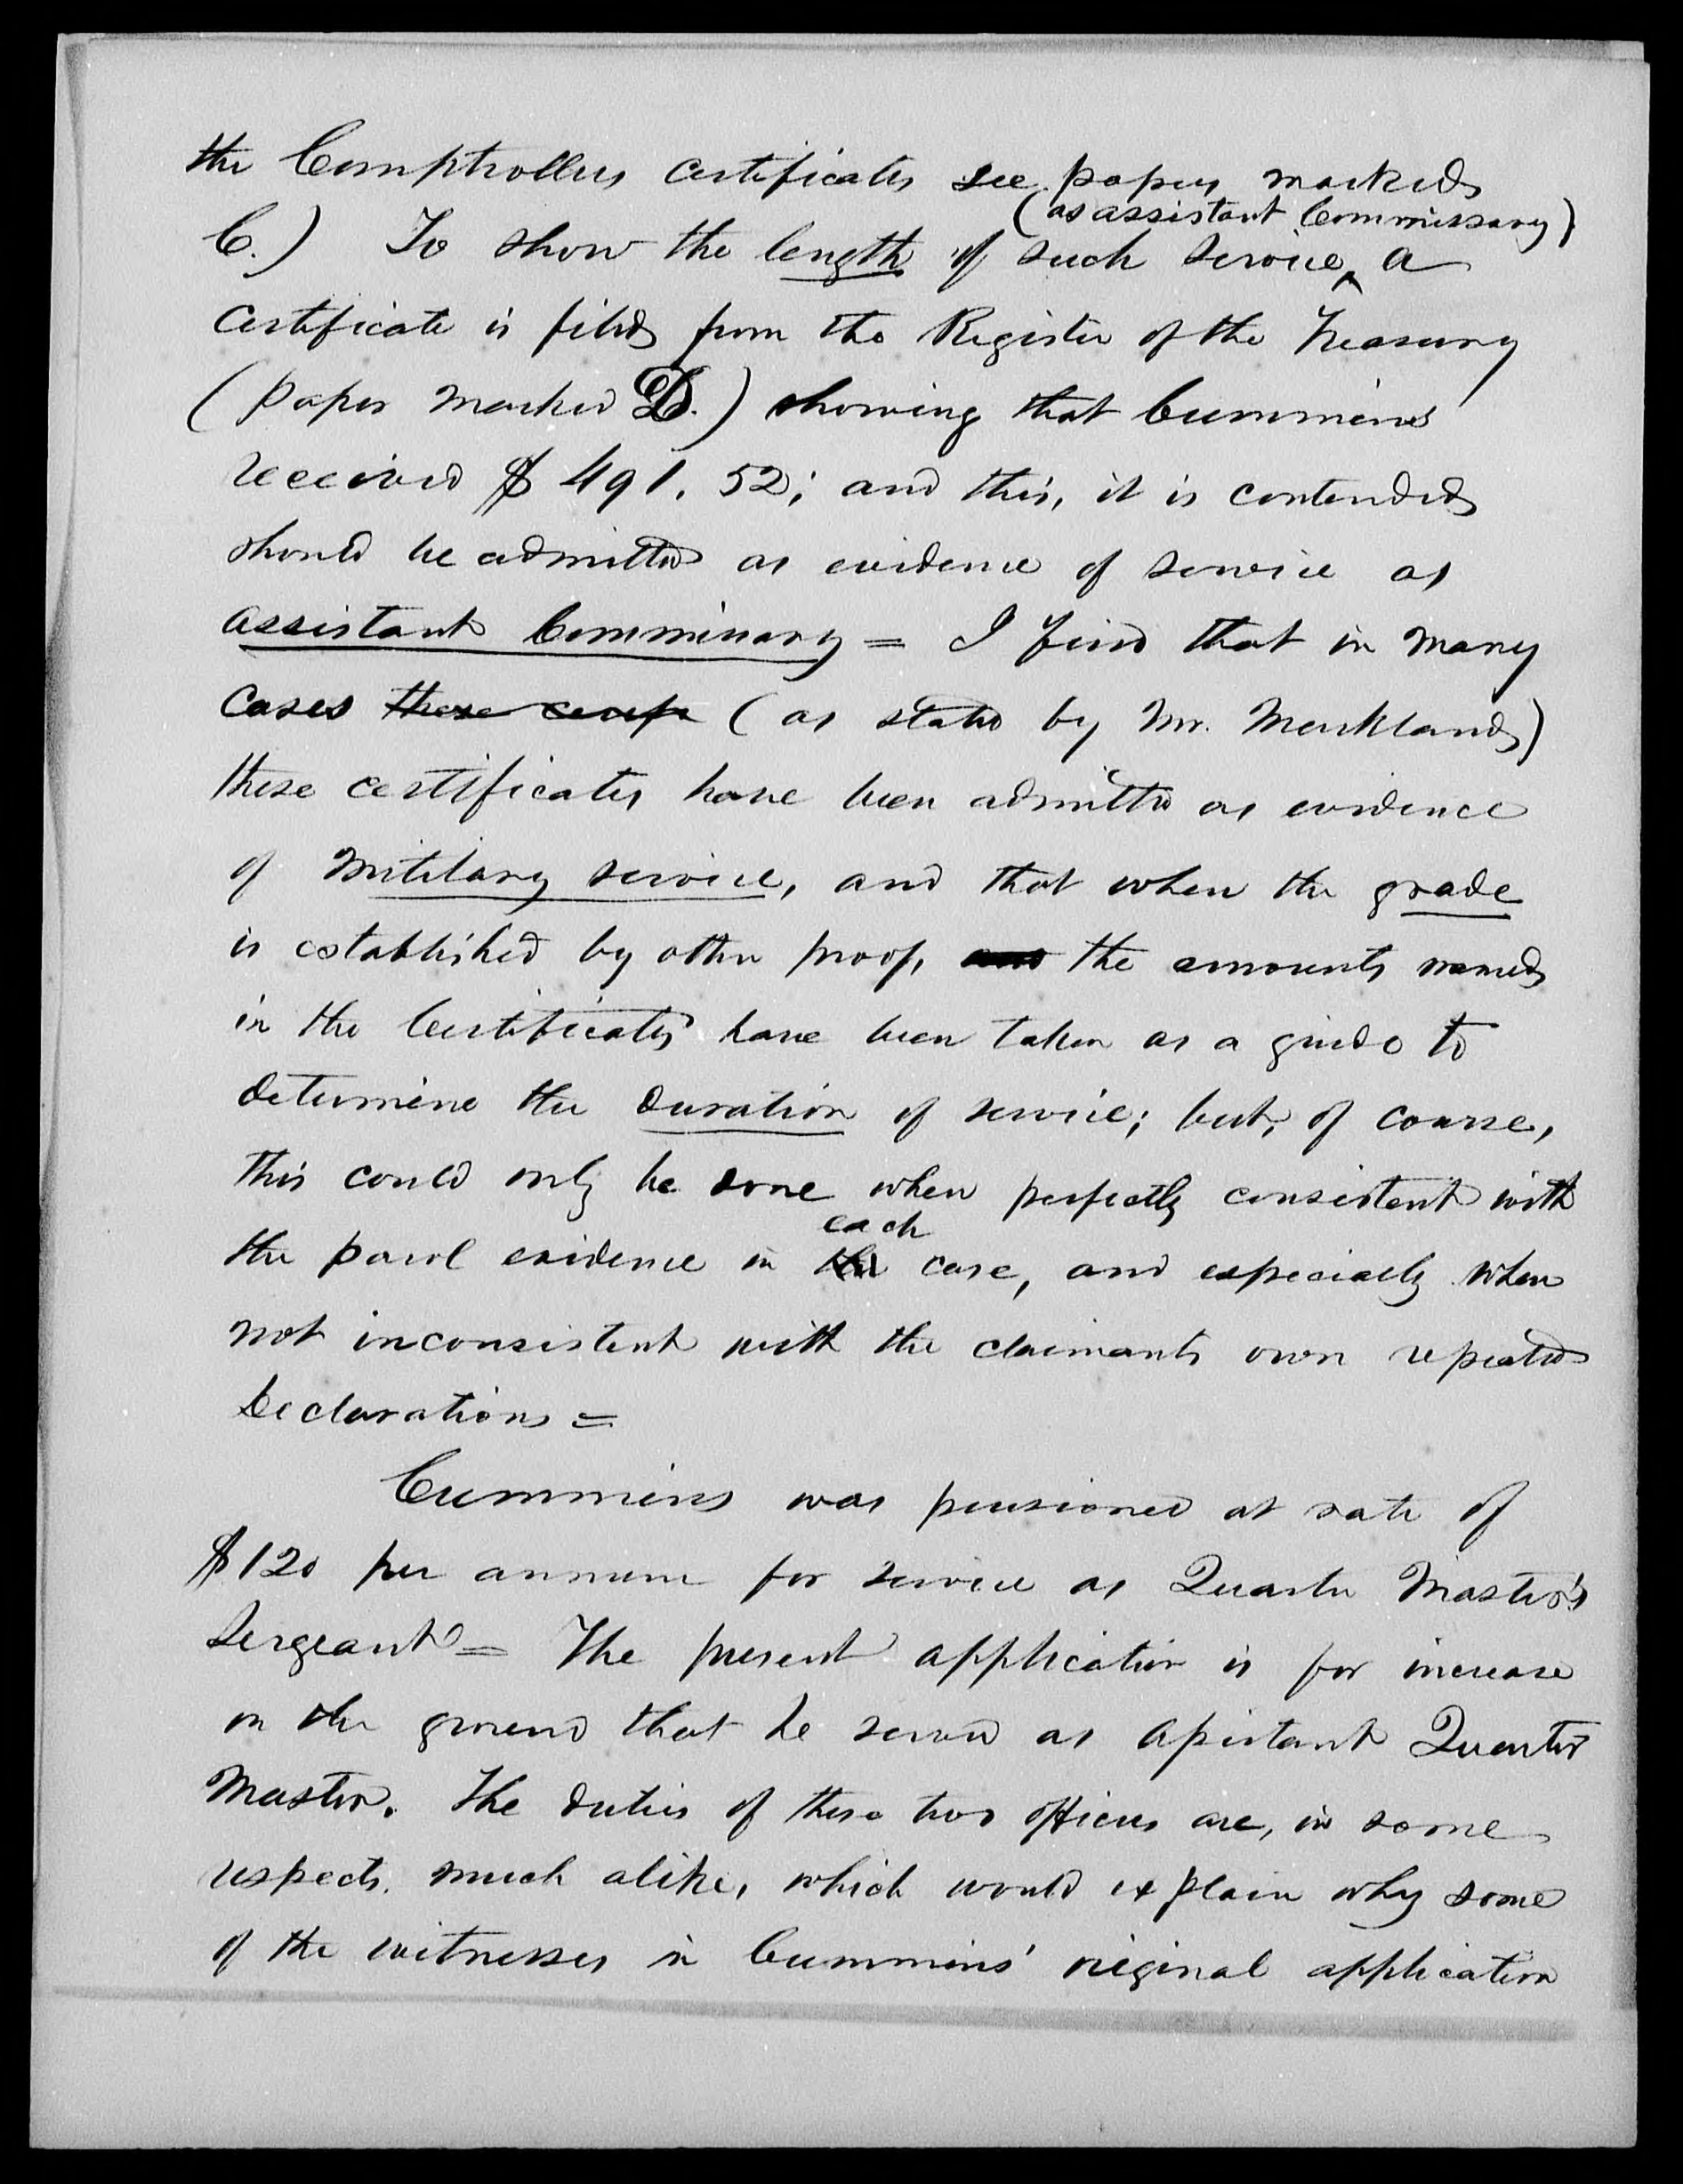[Second page of handwritten compilation re case of William Cummins.  Occasional spacing has been included to make the long text block easier to read.]

The Comptrollers certificates see. papers marked C.)  To show the [here the following word is underlined] length of such Service ^(as assistant Commissary) a certificate is filed from the Register of the Treasury (paper marked D.)  showing that Cummins received $491.52; and this, it is contended should be admitted as evidence of Service as [here the next two words are underlined] Assistant Commissary =

I find that in Many Cases [here "these certifs" is crossed through] (as stated by Mr. Markland) these certificates have been admitted as evidence of [here the following two words are underlined] Military Service, and that when the [here the following word is underlined] grade is established by other proof [illegible stricken through word, possibly "and"] the amounts named in the Certificates have been taken as a guide to determine the [here the following word is underlined] Duration of service; but, of course, this could only be done when perfectly consistent with the [illegible word] evidence in [here "the" was crossed through, and the following word written above:] ^each case, and especially when not inconsistent with the claimants own repeated Declarations =

Cummins was pensioned at rate of $120 per annum for Service as Quarter Master's Sergeant = The present application is for increase on the ground that he served as Assistant Quarter Master.  The duties of these two offices are, in some respects, much alike, which would explain why some of the witnesses in Cummins' original application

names: Cummins, Cummins, Markland, Cummins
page: 79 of 145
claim: survivor's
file: S. 8265, William Cumming, N.C.